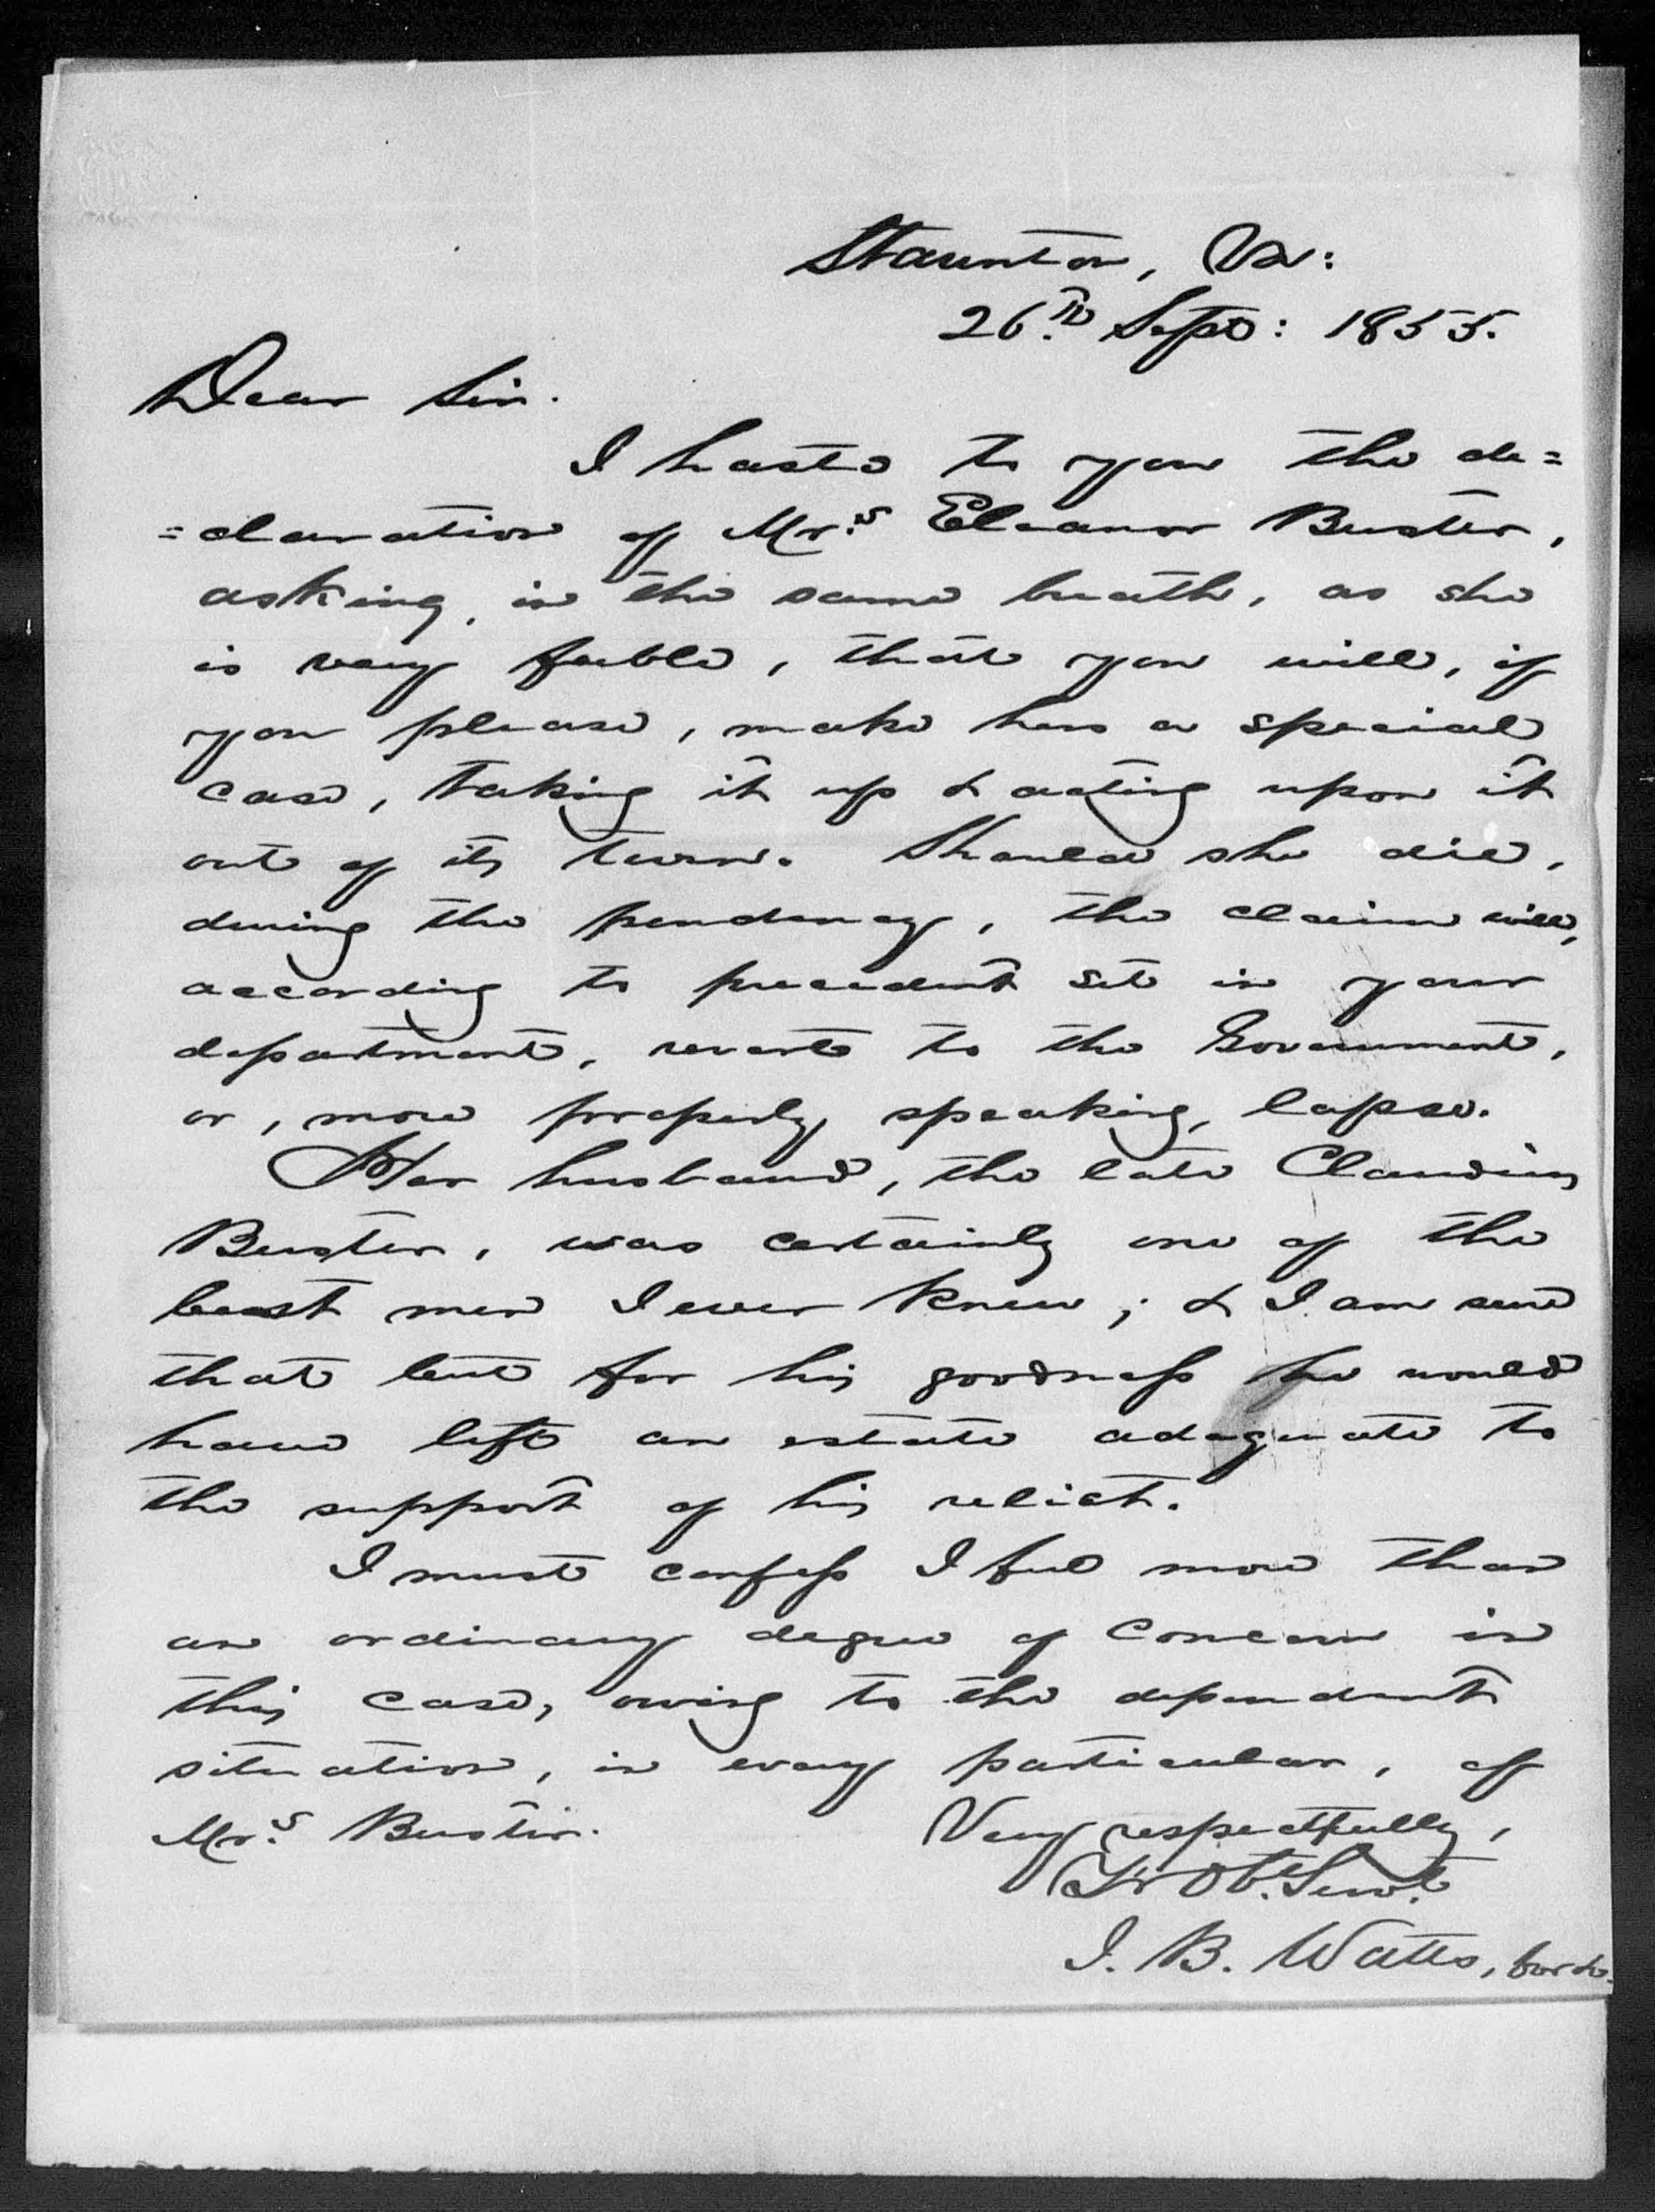Staunton, Va:
26th Sept: 1855.

Dear Sir.

I hast[?] to you the declaration of Mrs Eleanor Buster, asking, in the same breath, as she is very feeble, that you will, if you please, make hers a special case, taking it up & acting upon it out of its turn. Should she die, during the pending, the claim will, according to precedent, set in your department, revert to the Government, or, more properly speaking, lapse.

Her husband, the late Claudius Buster, was certainly one of the best men I ever knew; & I am sure that but for his goodness he would have left an estate adequate to the support of his [illegible].

I must confess I feel more than an ordinary degree of concern in this case, owing to the dependents situation, is very particular, of Mrs. Buster.

Very rrespectfully,
Yr ob. Servt
J. B. Watts, [illegible]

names: Buster, Eleanor Buster, J B Watts, Claudius Buster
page: 32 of 71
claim: widow's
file: W. 25310, Claudius Buster, Va.